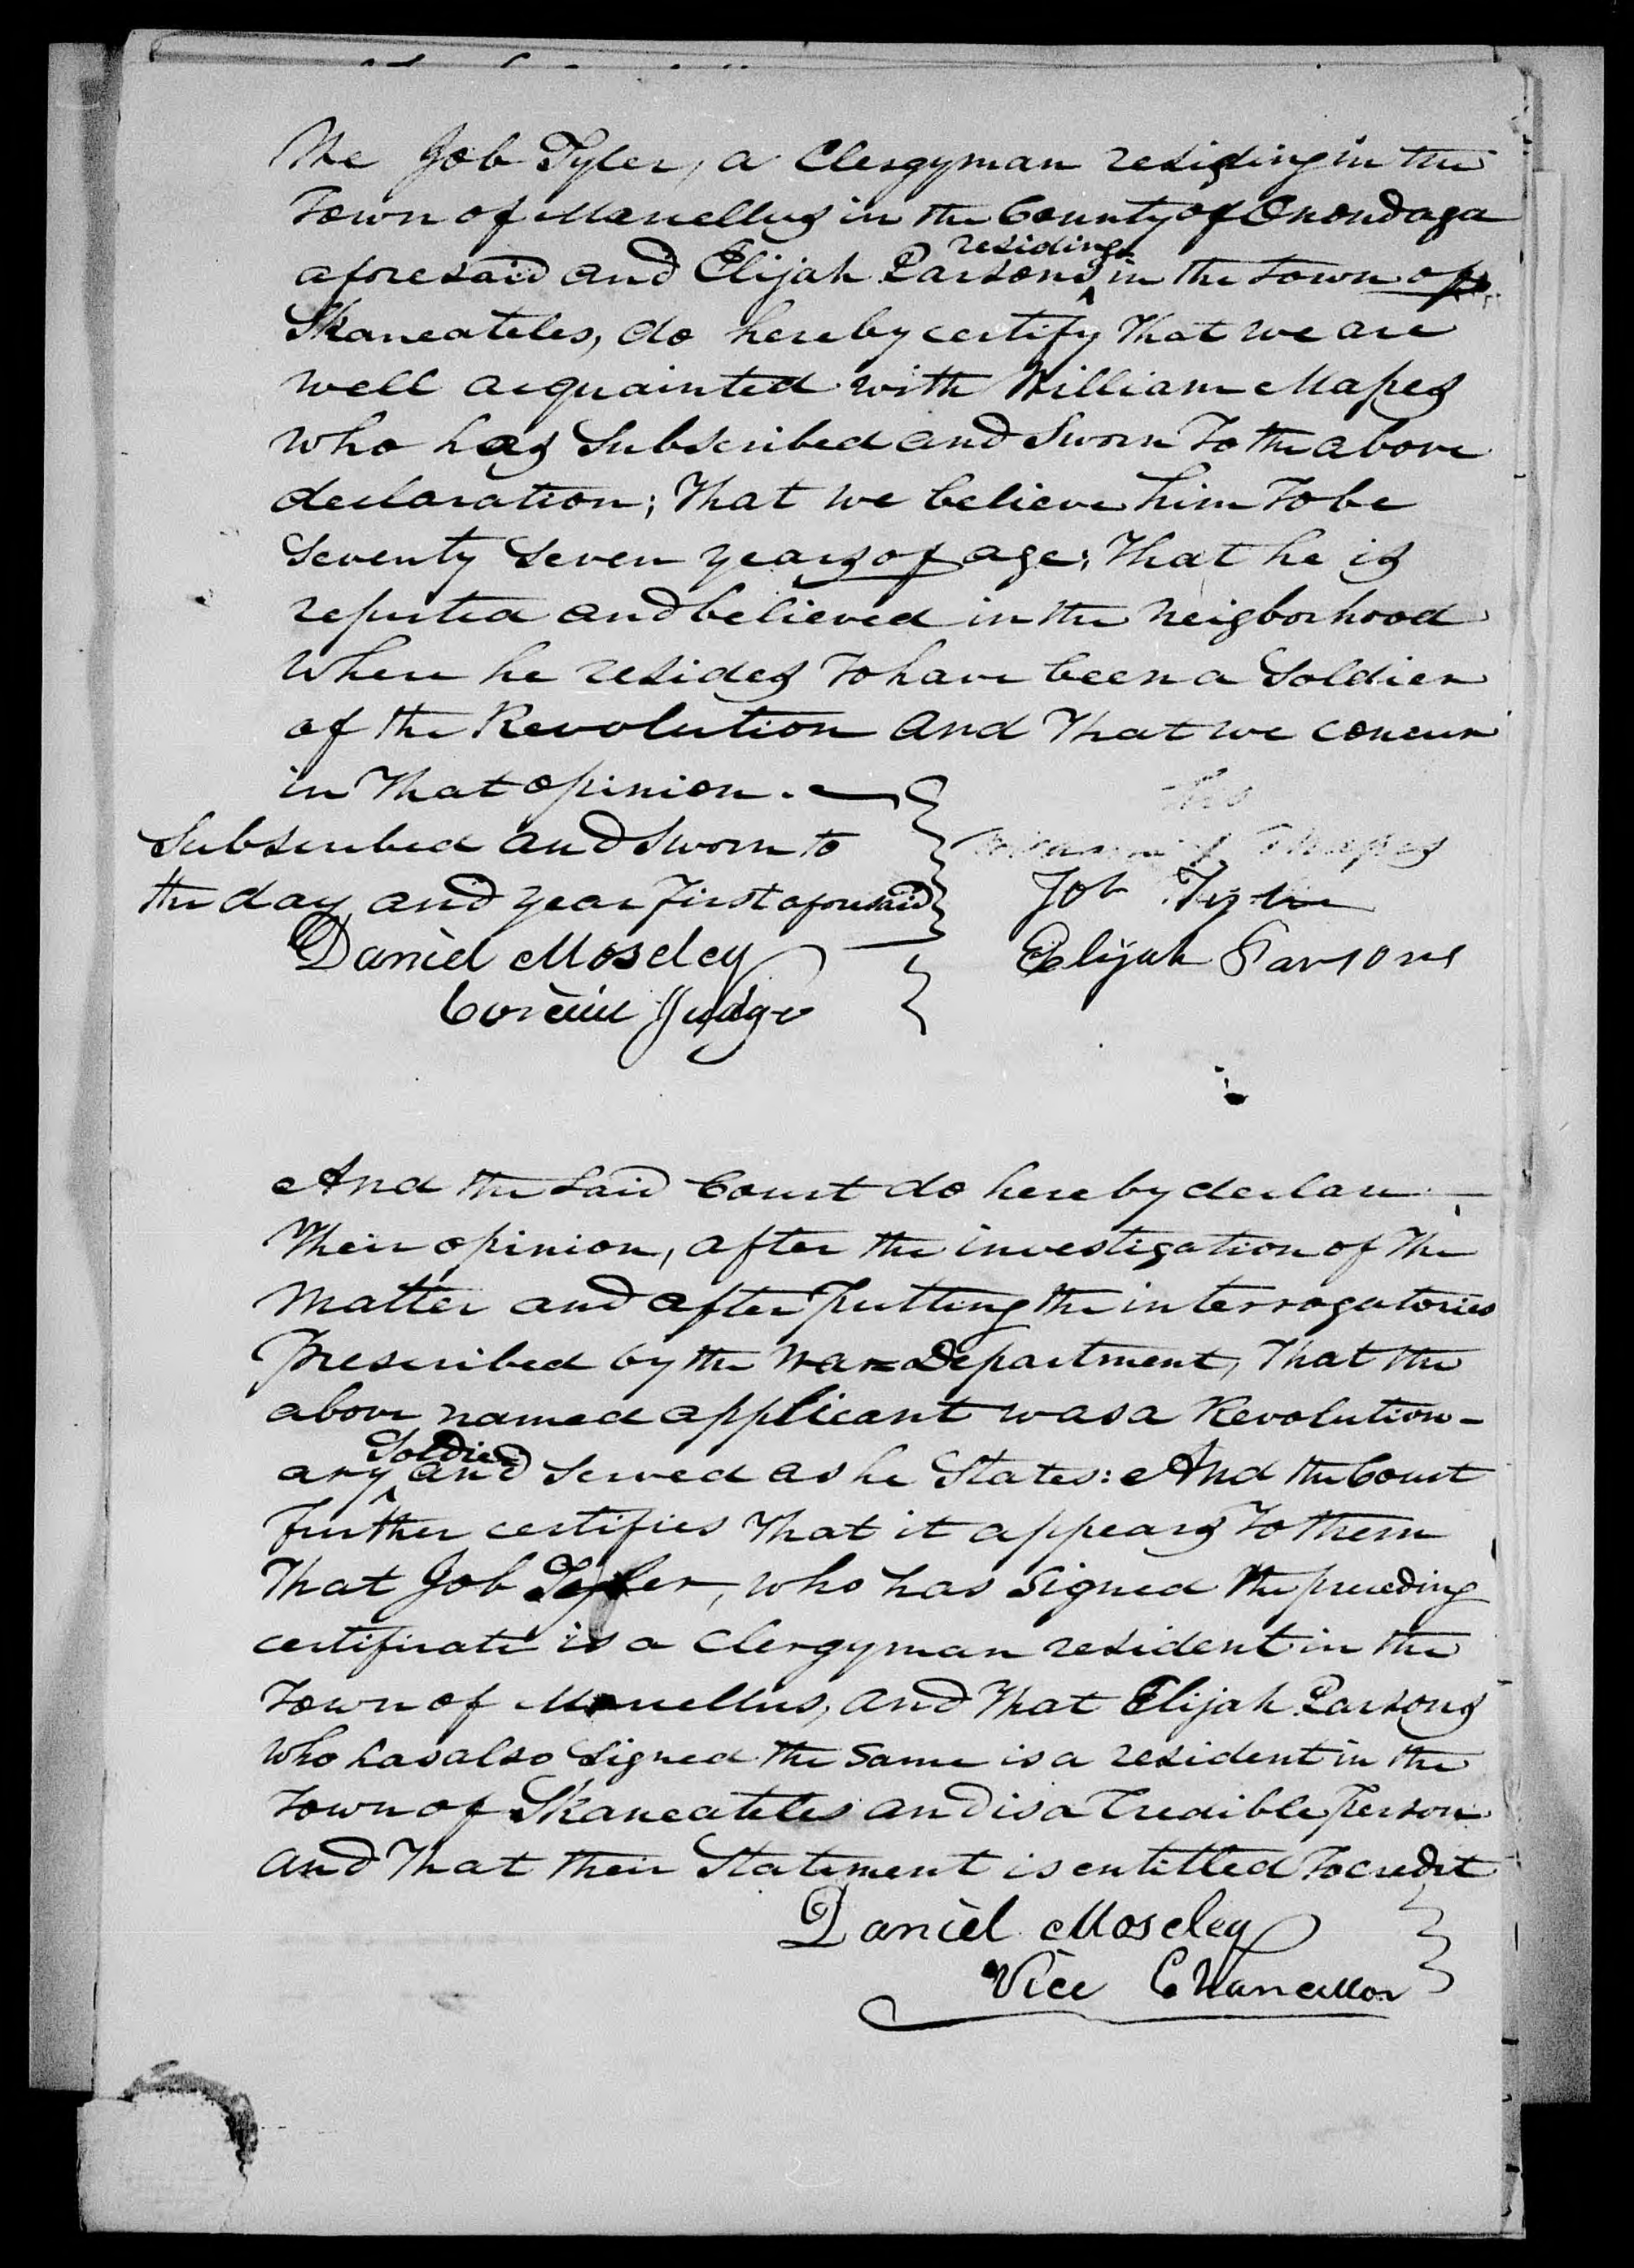We Job Tyler, a Clergyman residing in the Town of Marcellus in the County of Onondaga aforesaid and Elijah Parsons residing in the town of Skaneateles, do hereby certify that we are well acquainted with William Mapes who has subscribed and sworn to the above declaration; that we believe him to be Seventy Seven years of age; that he is reputed and believed in the neigborhood where he resides to have been a soldier of the Revolution and that we concur in that opinion.
[erased- William Mapes his X mark]
Job Tyler
Elijah Parsons
Subscribed and Sworn to} 
the day and year first aforesaid} 
Daniel Moseley 
Circuit Judge

And the said Court do hereby declare their opinion, after the investigation of the matter and after putting the interrogatories prescribed by the War Department, that the above named applicant was a Revolutionary Soldier and served as he states: 
And the Court further certifies that it appears to them That Job Tyler, who has signed the preceding certificate is a Clergyman resident in the Town of Marcellus, and that Elijah Parsons who has also signed the same is a resident in the Town of Skaneateles and is a Credible person and that their statement is entitled to credit 
Daniel Moseley 
Vice Chancellor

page: 17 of 30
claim: survivor's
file: S. 13,873, for William Mapes, New York